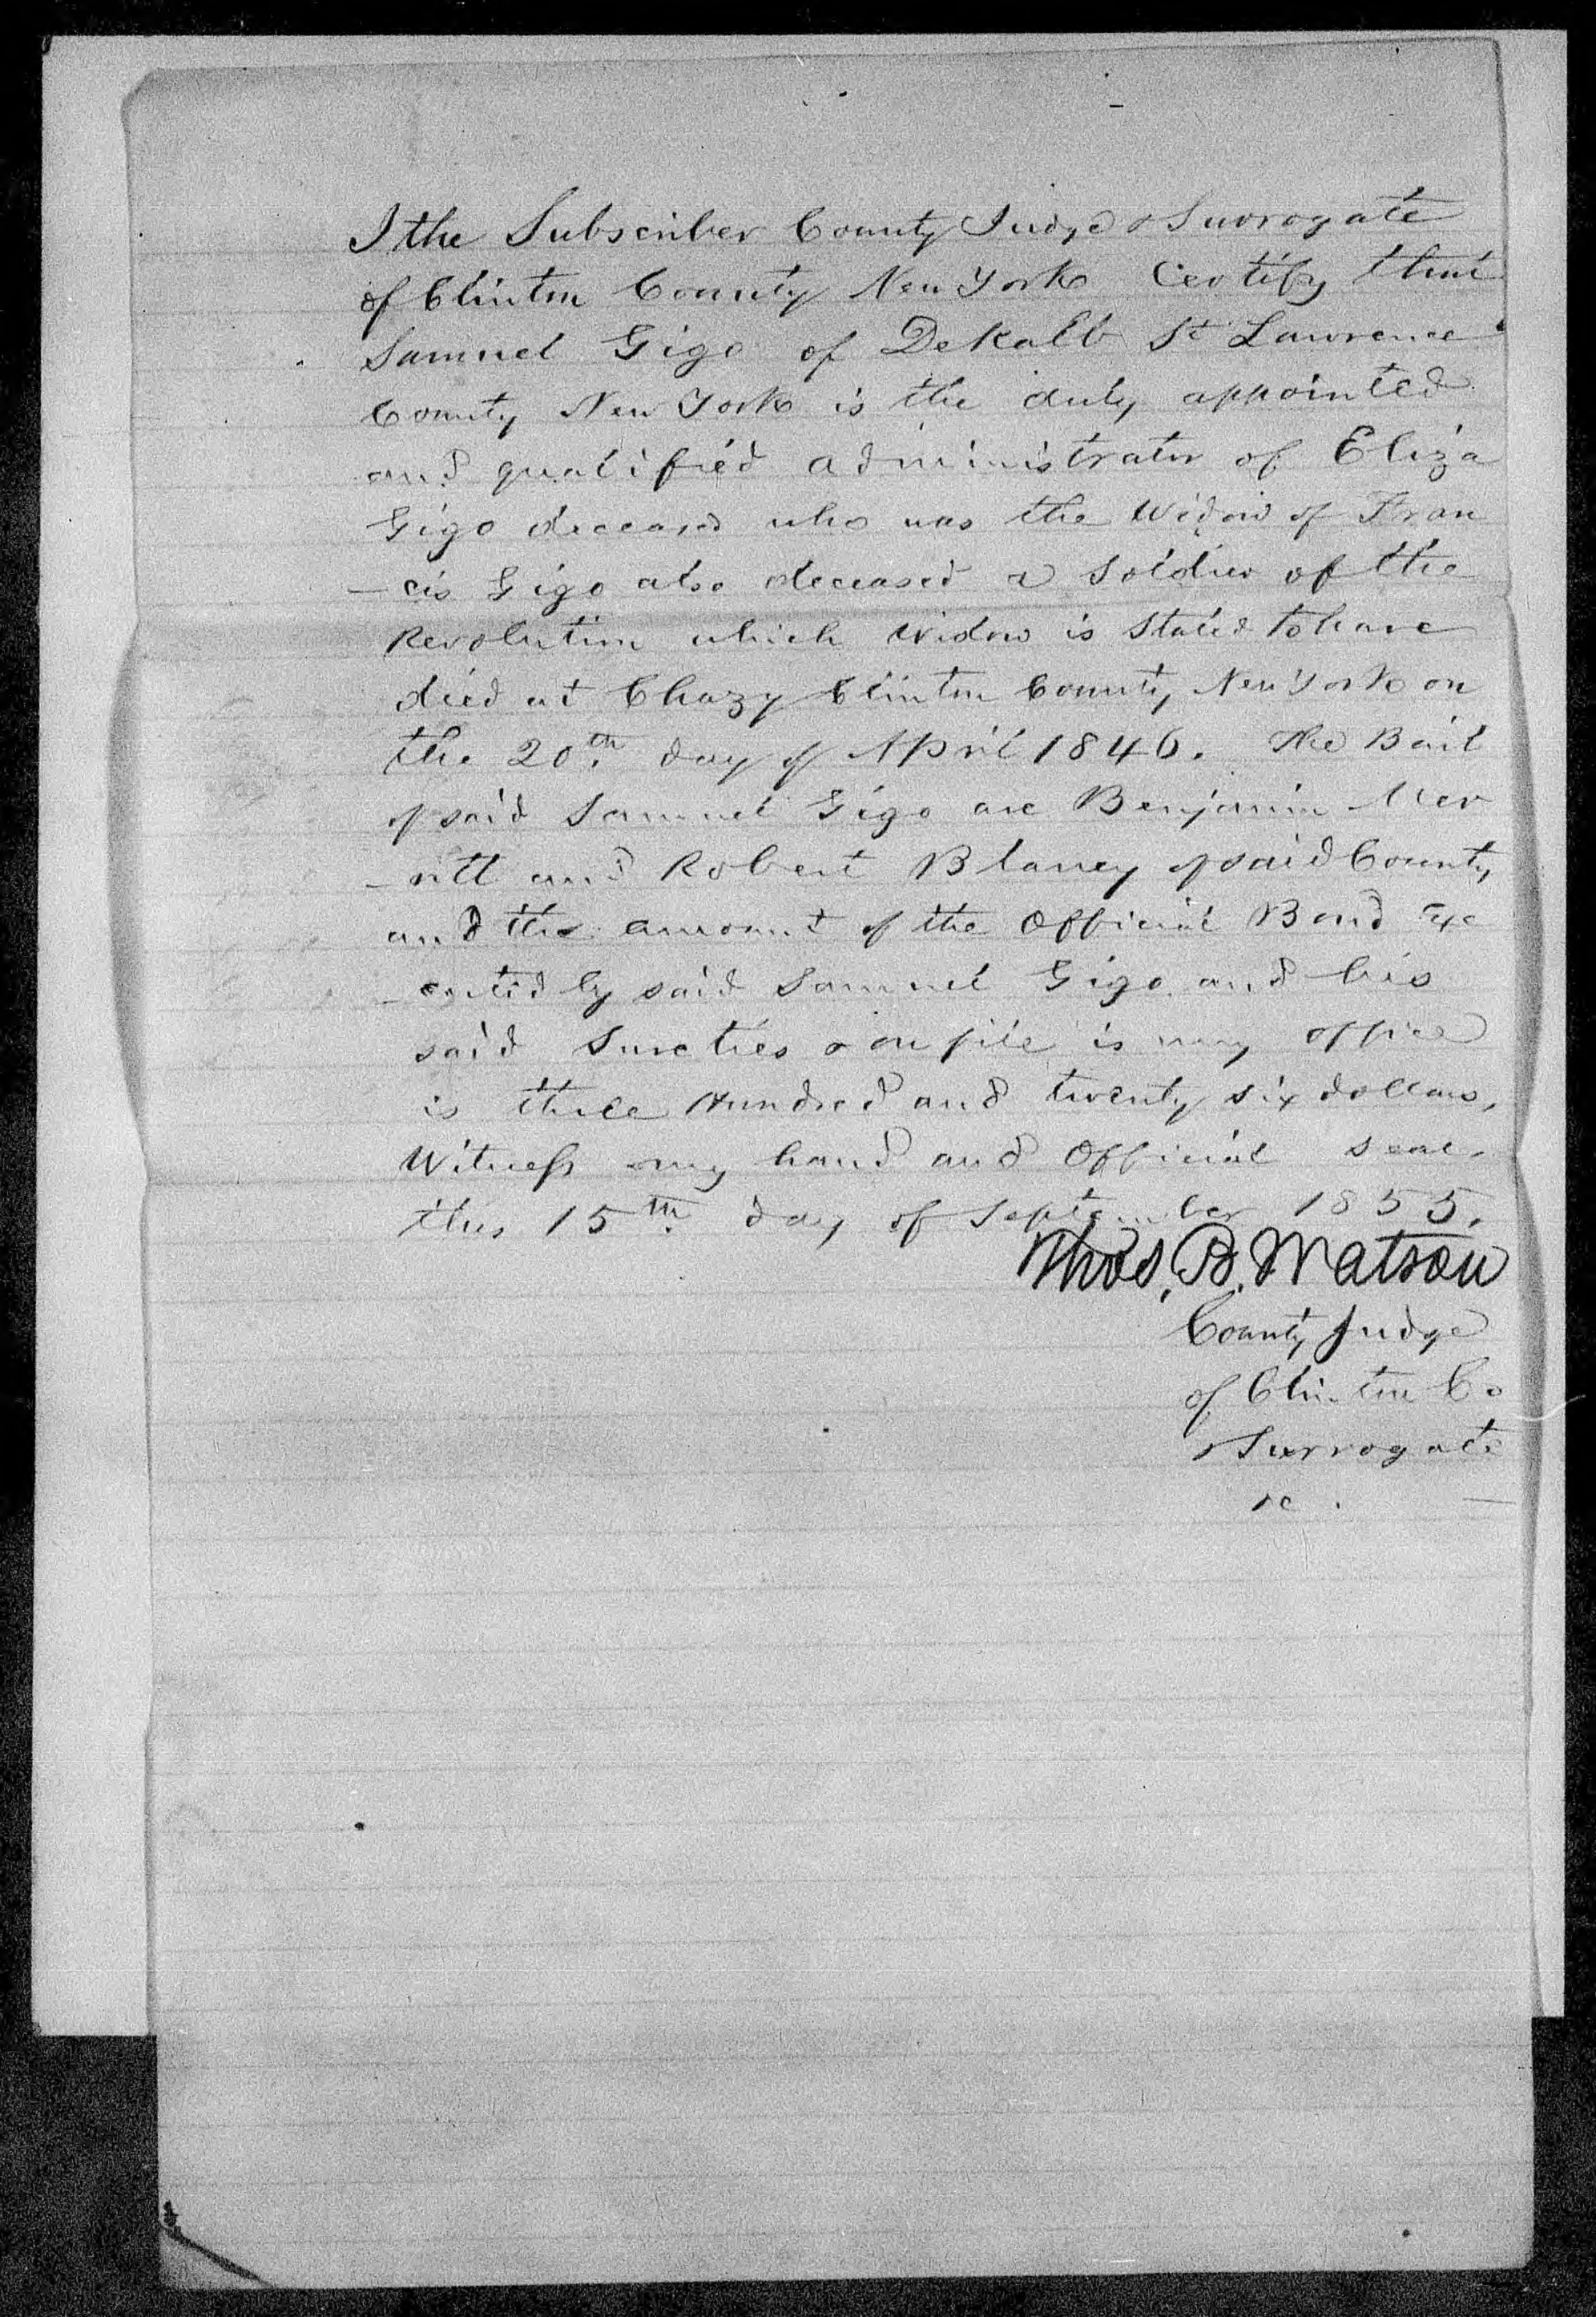I, the Subscriber County Judge & Surrogate of Clinton County New York certify that Samuel Gigo of DeKalb St. Lawrence County New York is the duly appointed and qualified administrator of Eliza Gigo deceased who was the widow of Francis Gigo deceased a soldier of the Revolution which widow is stated to have died at Chazy Clinton County New York on the 20th day of April 1840.
The Bail of said Samuel Gigo are Benjamin Merritt and Robert Blaney of said County and the amount of the official Bond executed by said Samuel Gigo and his said sureties & on file in my office as three hundred and twenty six dollars,
Witness my hand and official seal this 15th day of September 1855.
Thos. B. Matson
County Judge of Clinton Co
Surrogate &c.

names: Eliza Gigo, Samuel Gigo, Samuel Gigo, Thos B Watson, Francis Gigo, Benjanin Merritt, Samuel Gigo, Robert Blaney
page: 47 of 98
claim: widow's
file: W. 21182, Francis Gigo, Continental (Canadian)